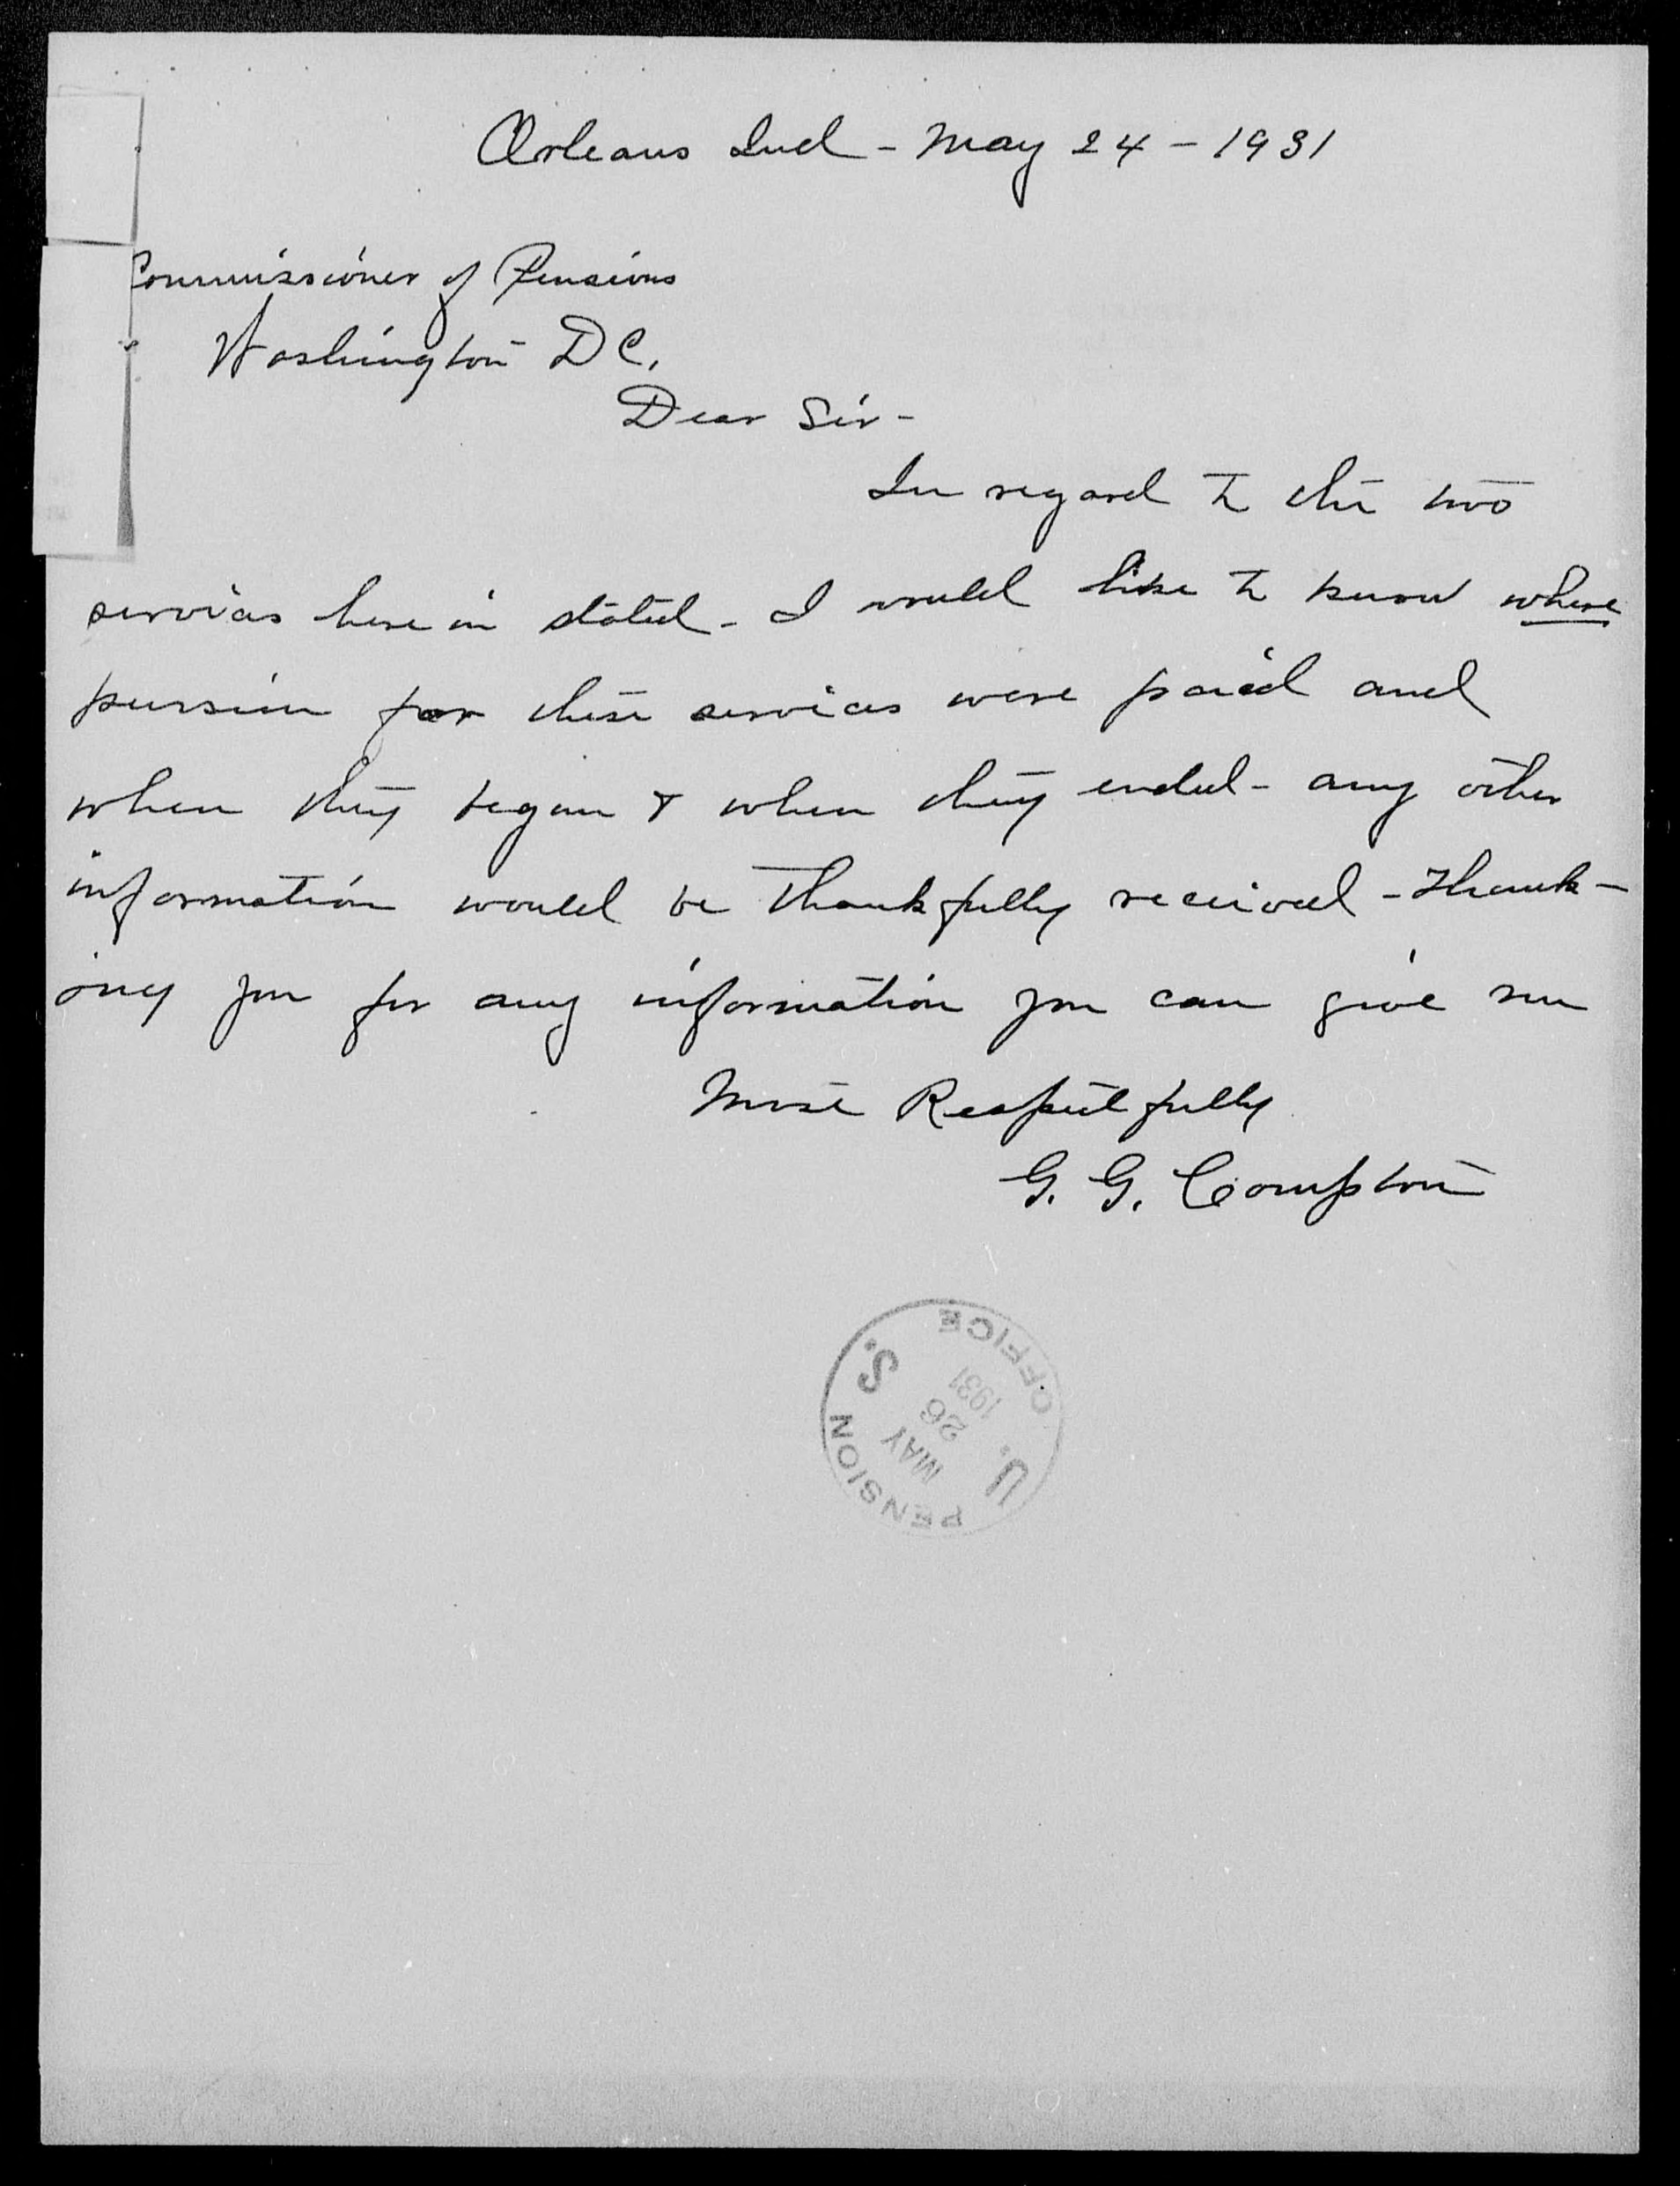Orleans Ind. - May 24 - 1931 

Commissioner of Pensions 
Washington DC. 

Dear Sir- 
In regard to the two services herein stated. I would like to know where pension for these services were paid and when they begin & when they ended - any other information would be thankfully received Thanking you for any information you can give me 

Most Respectfully 
G. G. Compton

[circular stamp upside down] PENSION MAY 26 1931 OFFICE U. S.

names: G G Compton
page: 42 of 54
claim: survivor's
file: S. 30287, William Bruce, N.C.